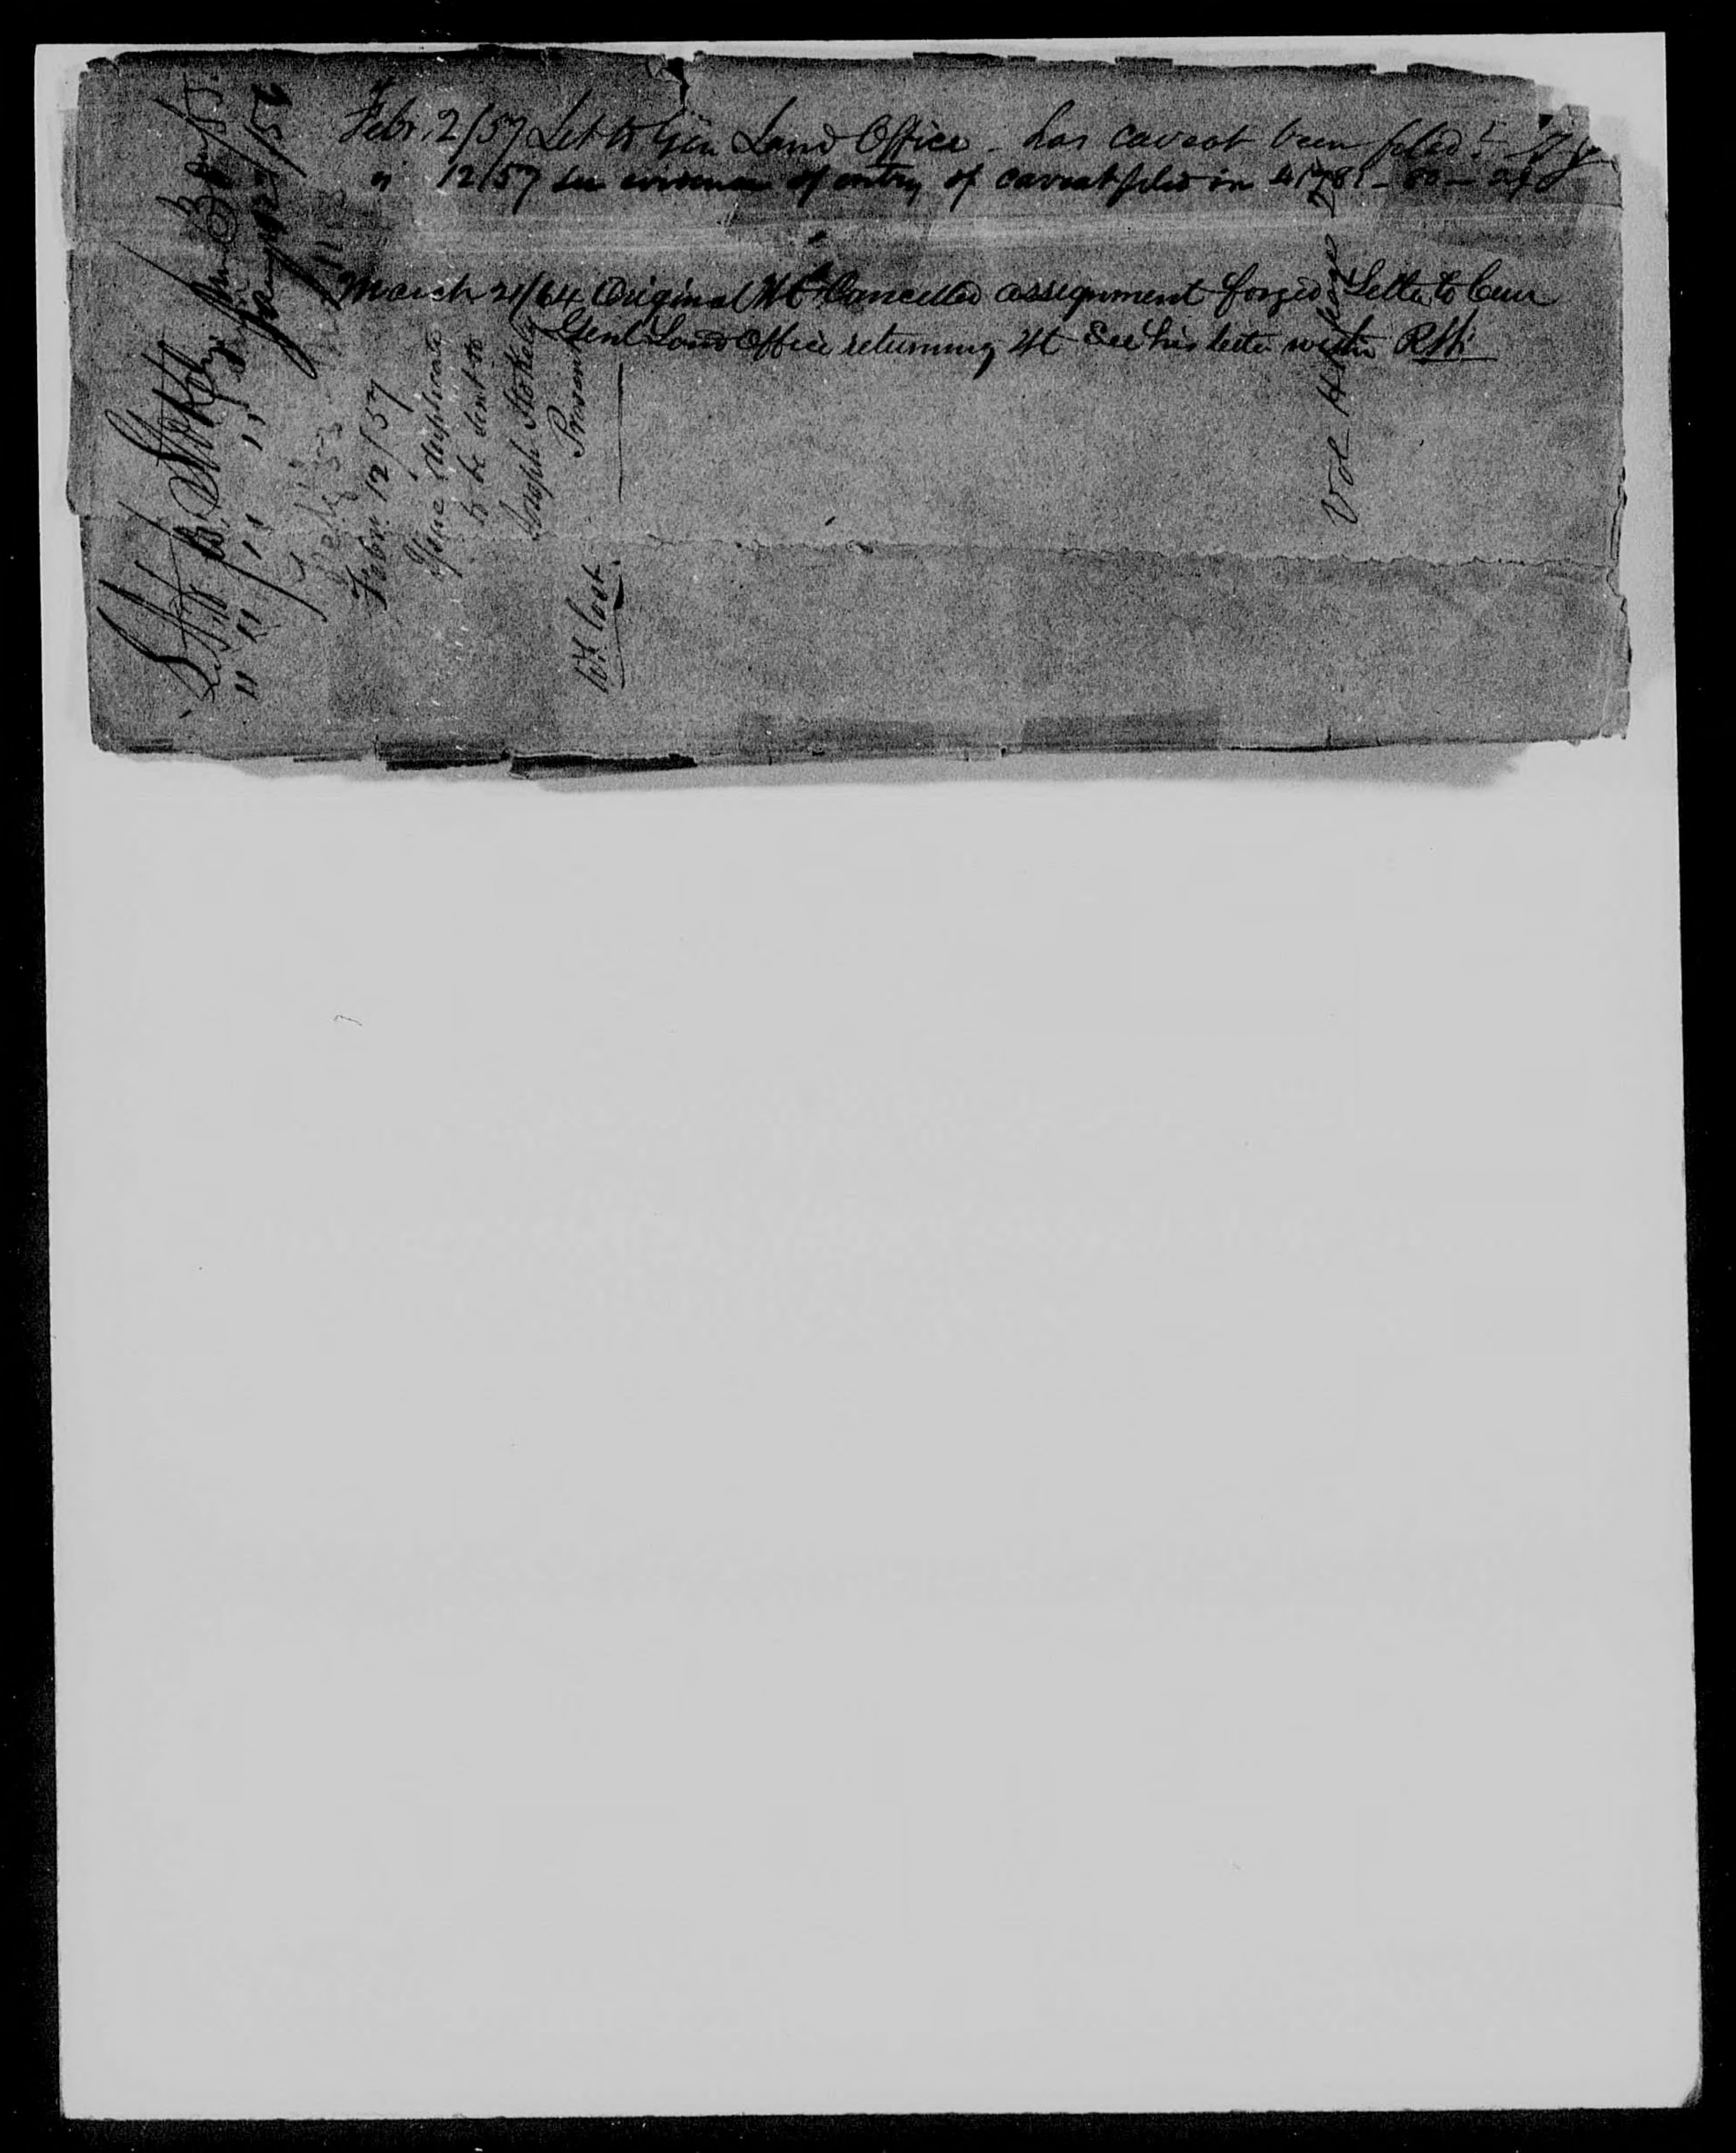Feb 2/57 Letter to Gen Land Office has caveat been filed
on 12/57 his [widow?] of caveat filed in 1781 [illegible]1
March 21/64 Original [?] cancelled assignment forged Settle to [Con?] 
Genl Land Office returning [?] See his letter within RH.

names: J Stokely, Joseph Stokeley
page: 5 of 92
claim: widow's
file: W 1173, Robert Hamill, Penn.